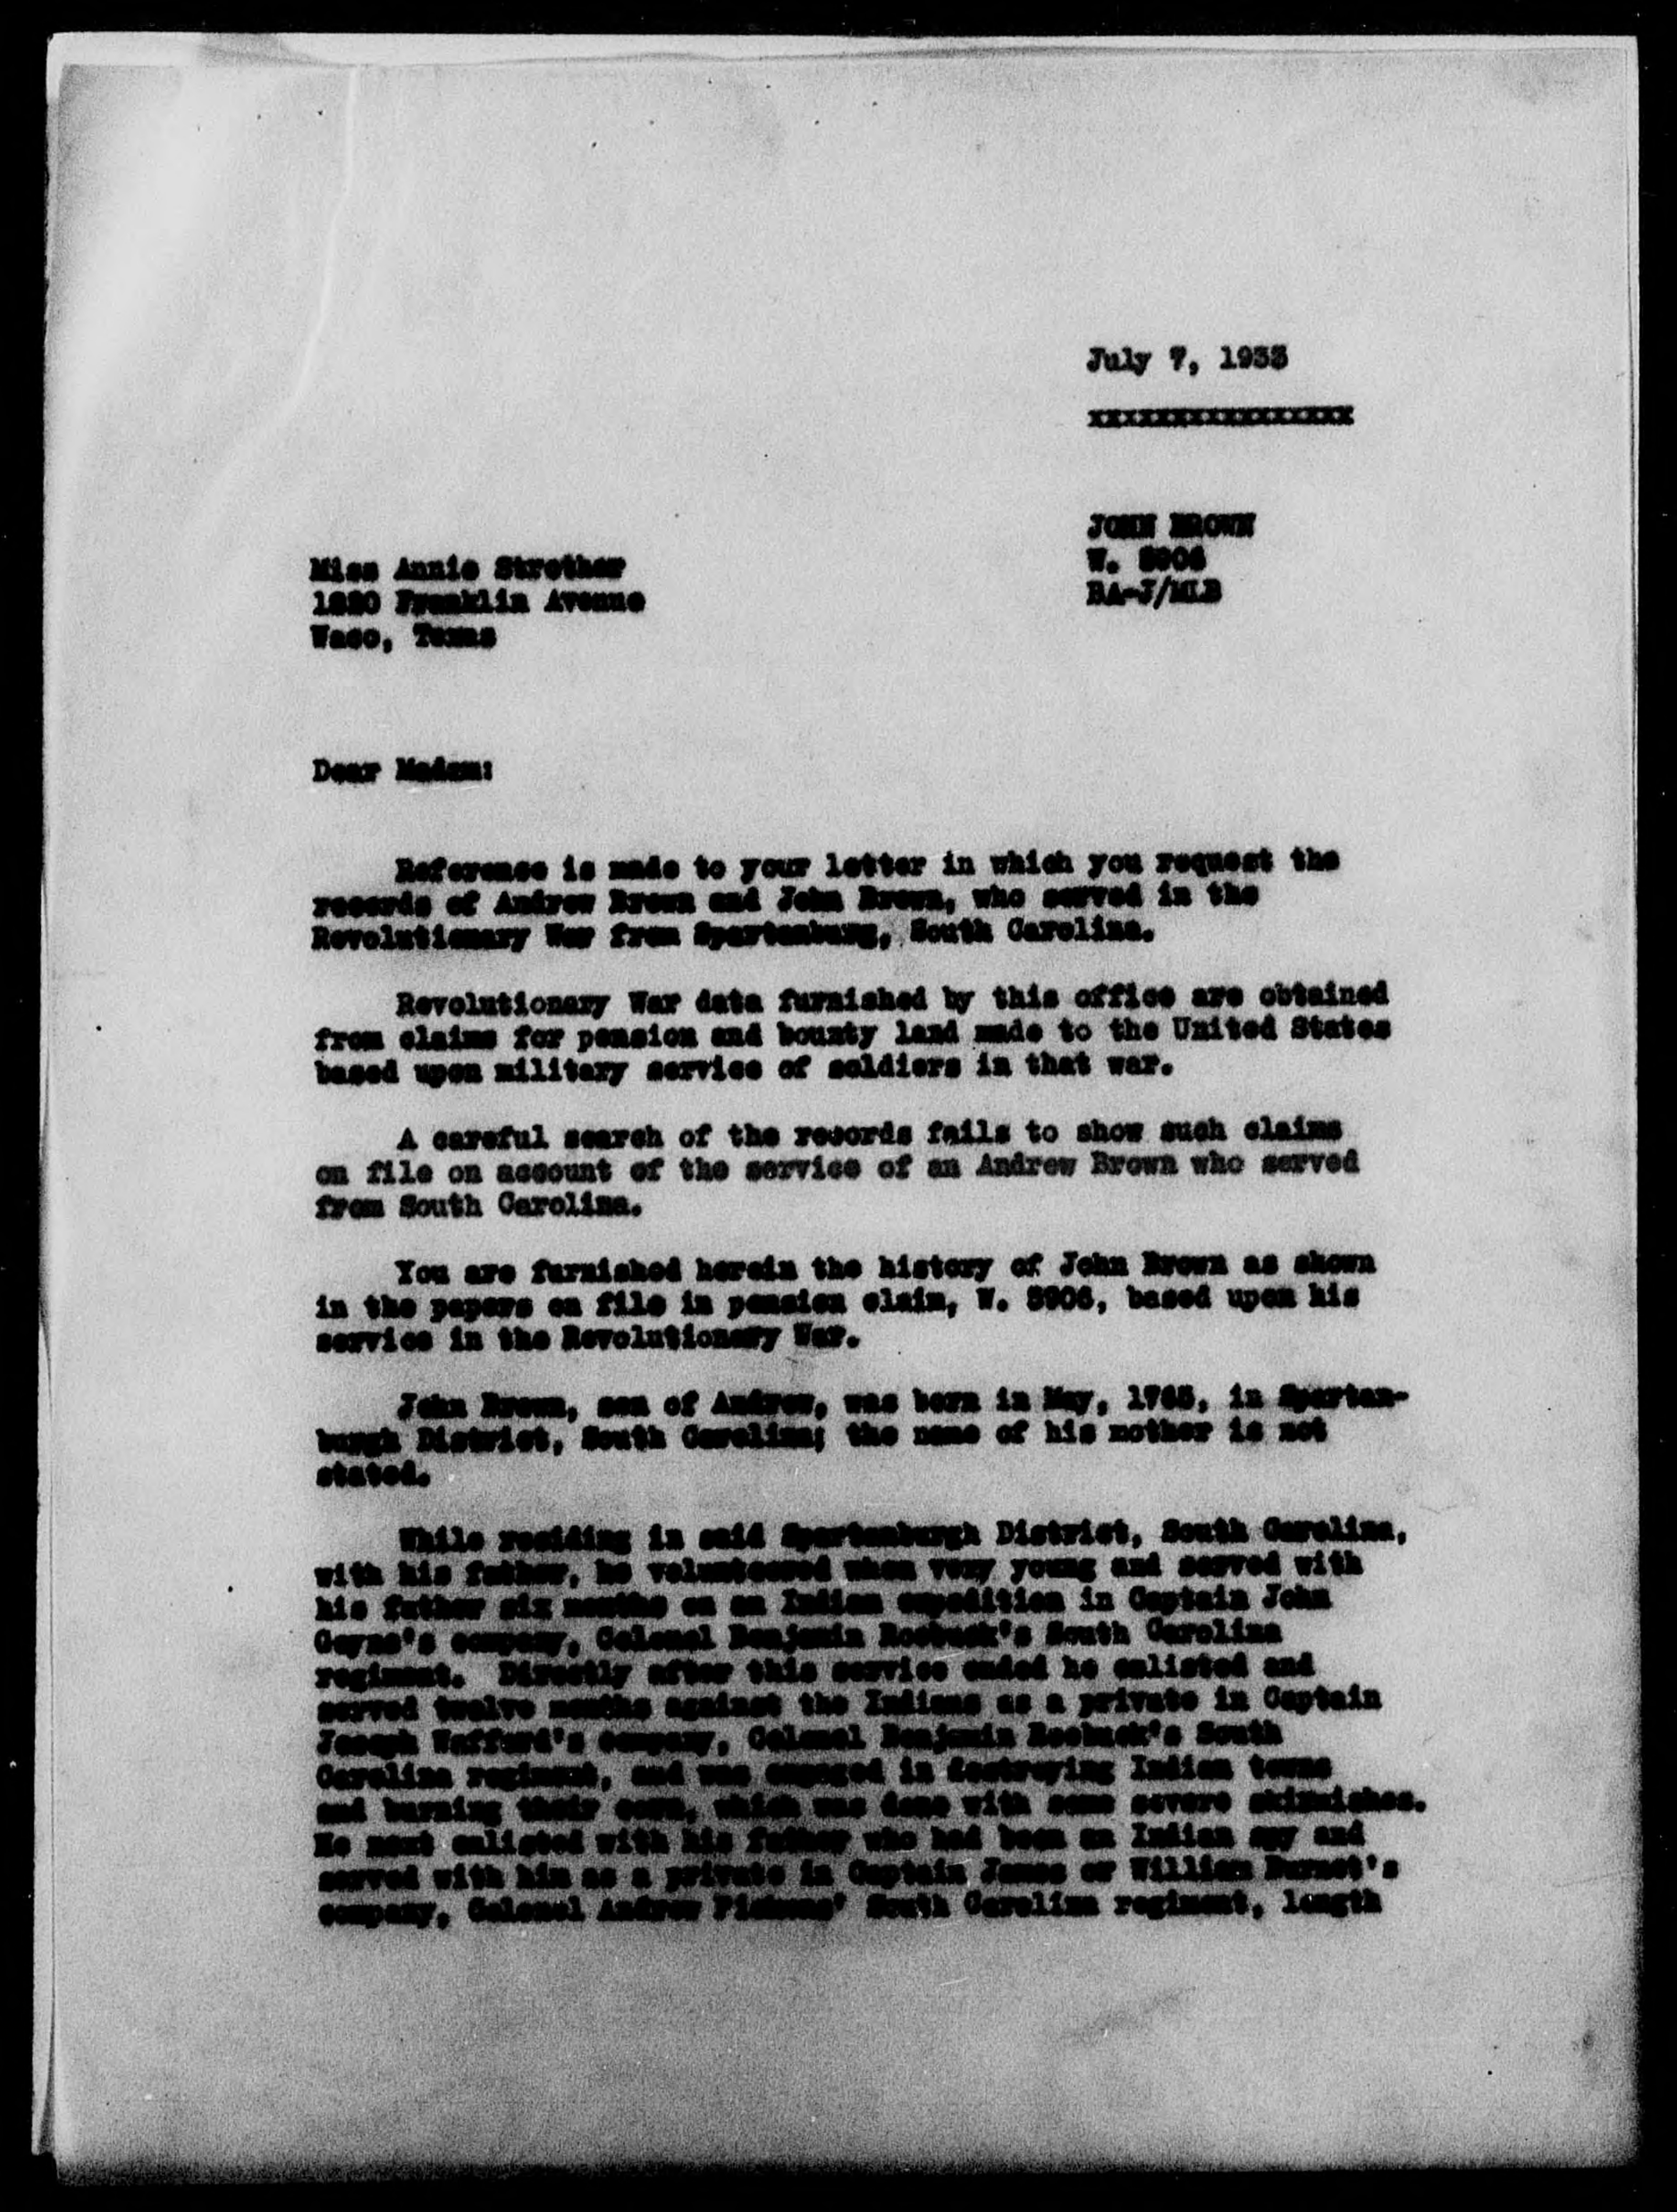July 7, 1933
XXXXXXXXXXXXXXXX
JOHN BROWN
W. 5906
BA-J/MLB

Miss Annie Strother
1820 Franklin Avenue
Waco, Texas

Dear Madam:

Reference is made to your letter in which you request the
records of Andrew Brown and John Brown, who served in the
Revolutionary War from Spartanburg, South Carolina.

Revolutionary War data furnished by this office are obtained
from claims for pension and bounty land made to the United States
based upon military service of soldiers in that war.

A careful search of the records fails to show such claims
on file on account of the service of an Andrew Brown who served
from South Carolina.

You are furnished herein the history of John Brown as shown
in the papers on file in pension claim, W. 5906, based upon his
service in the Revolutionary War.

John Brown, son of Andrew, was born in May, 1865, in Spartanburgh
District, South Carolina; the name of his mother is not
stated.

While residing in said burgh District, South Carolina,
with his father, he volunteered when very young and served with
his father six months on an Indian expedition in Captain John
Goyne's company to Colonel Benjamin Roebuck's South Carolina
regiment.  Directly after this service ended, he enlisted and 
served twelve months against the Indians as a private in Captain Joseph Wafford's company Colonel Benjamin Roebuck's South Carolina  regiment, and was engaged in destroying Indian towns and burning their corn, which was done with some severe skirmishes.  
He next enlisted with his father who had  been an Indian spy and served with him as a private in Captain James or William Burnet's company,  Colonel Andrew Picken's South Carolina  regiment, length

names: John Brown, Annie Strother, John Brown, John Brown, Andrew Brown, Andrew Brown, Andrew, John Brown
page: 34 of 85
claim: widow's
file: W. 5,906, John Brown, S.C.